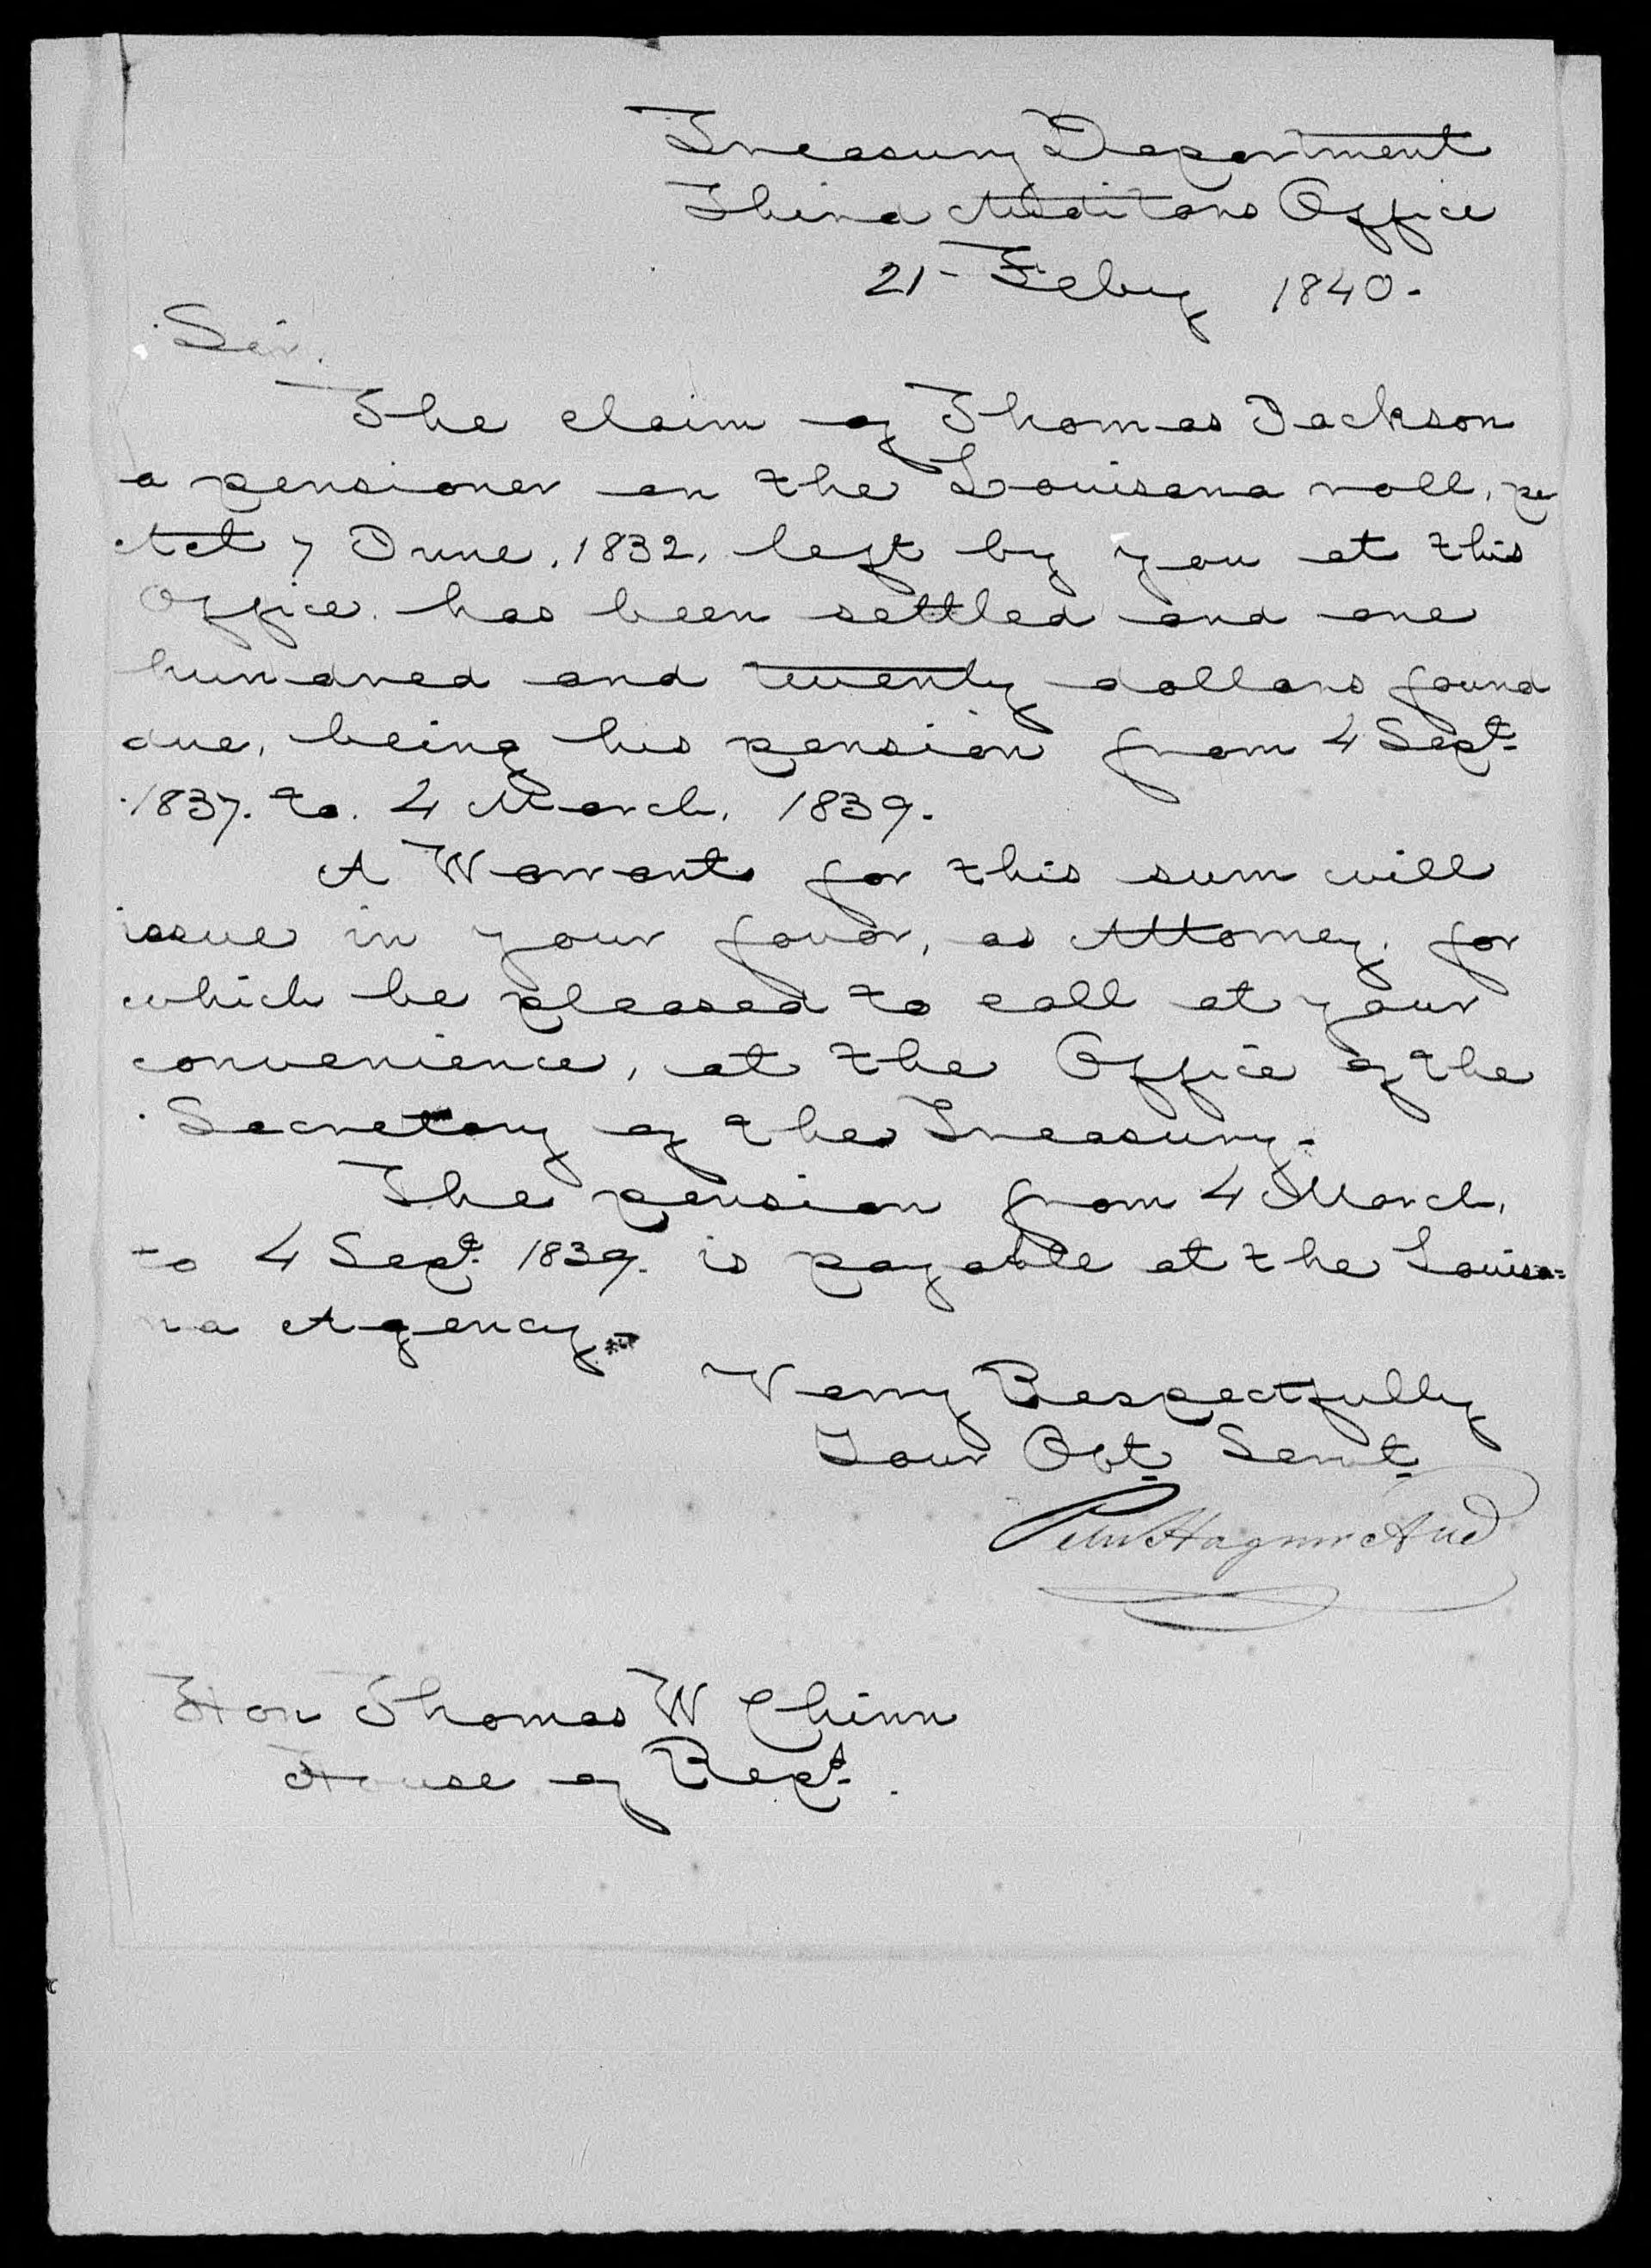Treasury Department
Third Auditors Office
21 Feby1840.

Sir,
The claim of Thomas Jackson a pensioner in the Louisiana roll, Act 7 June, 1832, left by you at this Office has been settled and one hundred and twenty dollars found due, being his pension
from 4 Sept 1837. to 4 March, 1839

A Warrant for this sum will issue in your favor as Attorney for which he pleased to call it your convenience, at the Office of the Secretary of the Treasury

The pension from 4 March, to 4 Sept 1839 is payable at the Louisiana Agency

Very Respectfully
Your Obt Servt 
Peter Hagner Aud

Hon Thomas W Chinn
House of Rep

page: 46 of 54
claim: survivor's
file: S. 31166, for Thomas Jackson, South Carolina